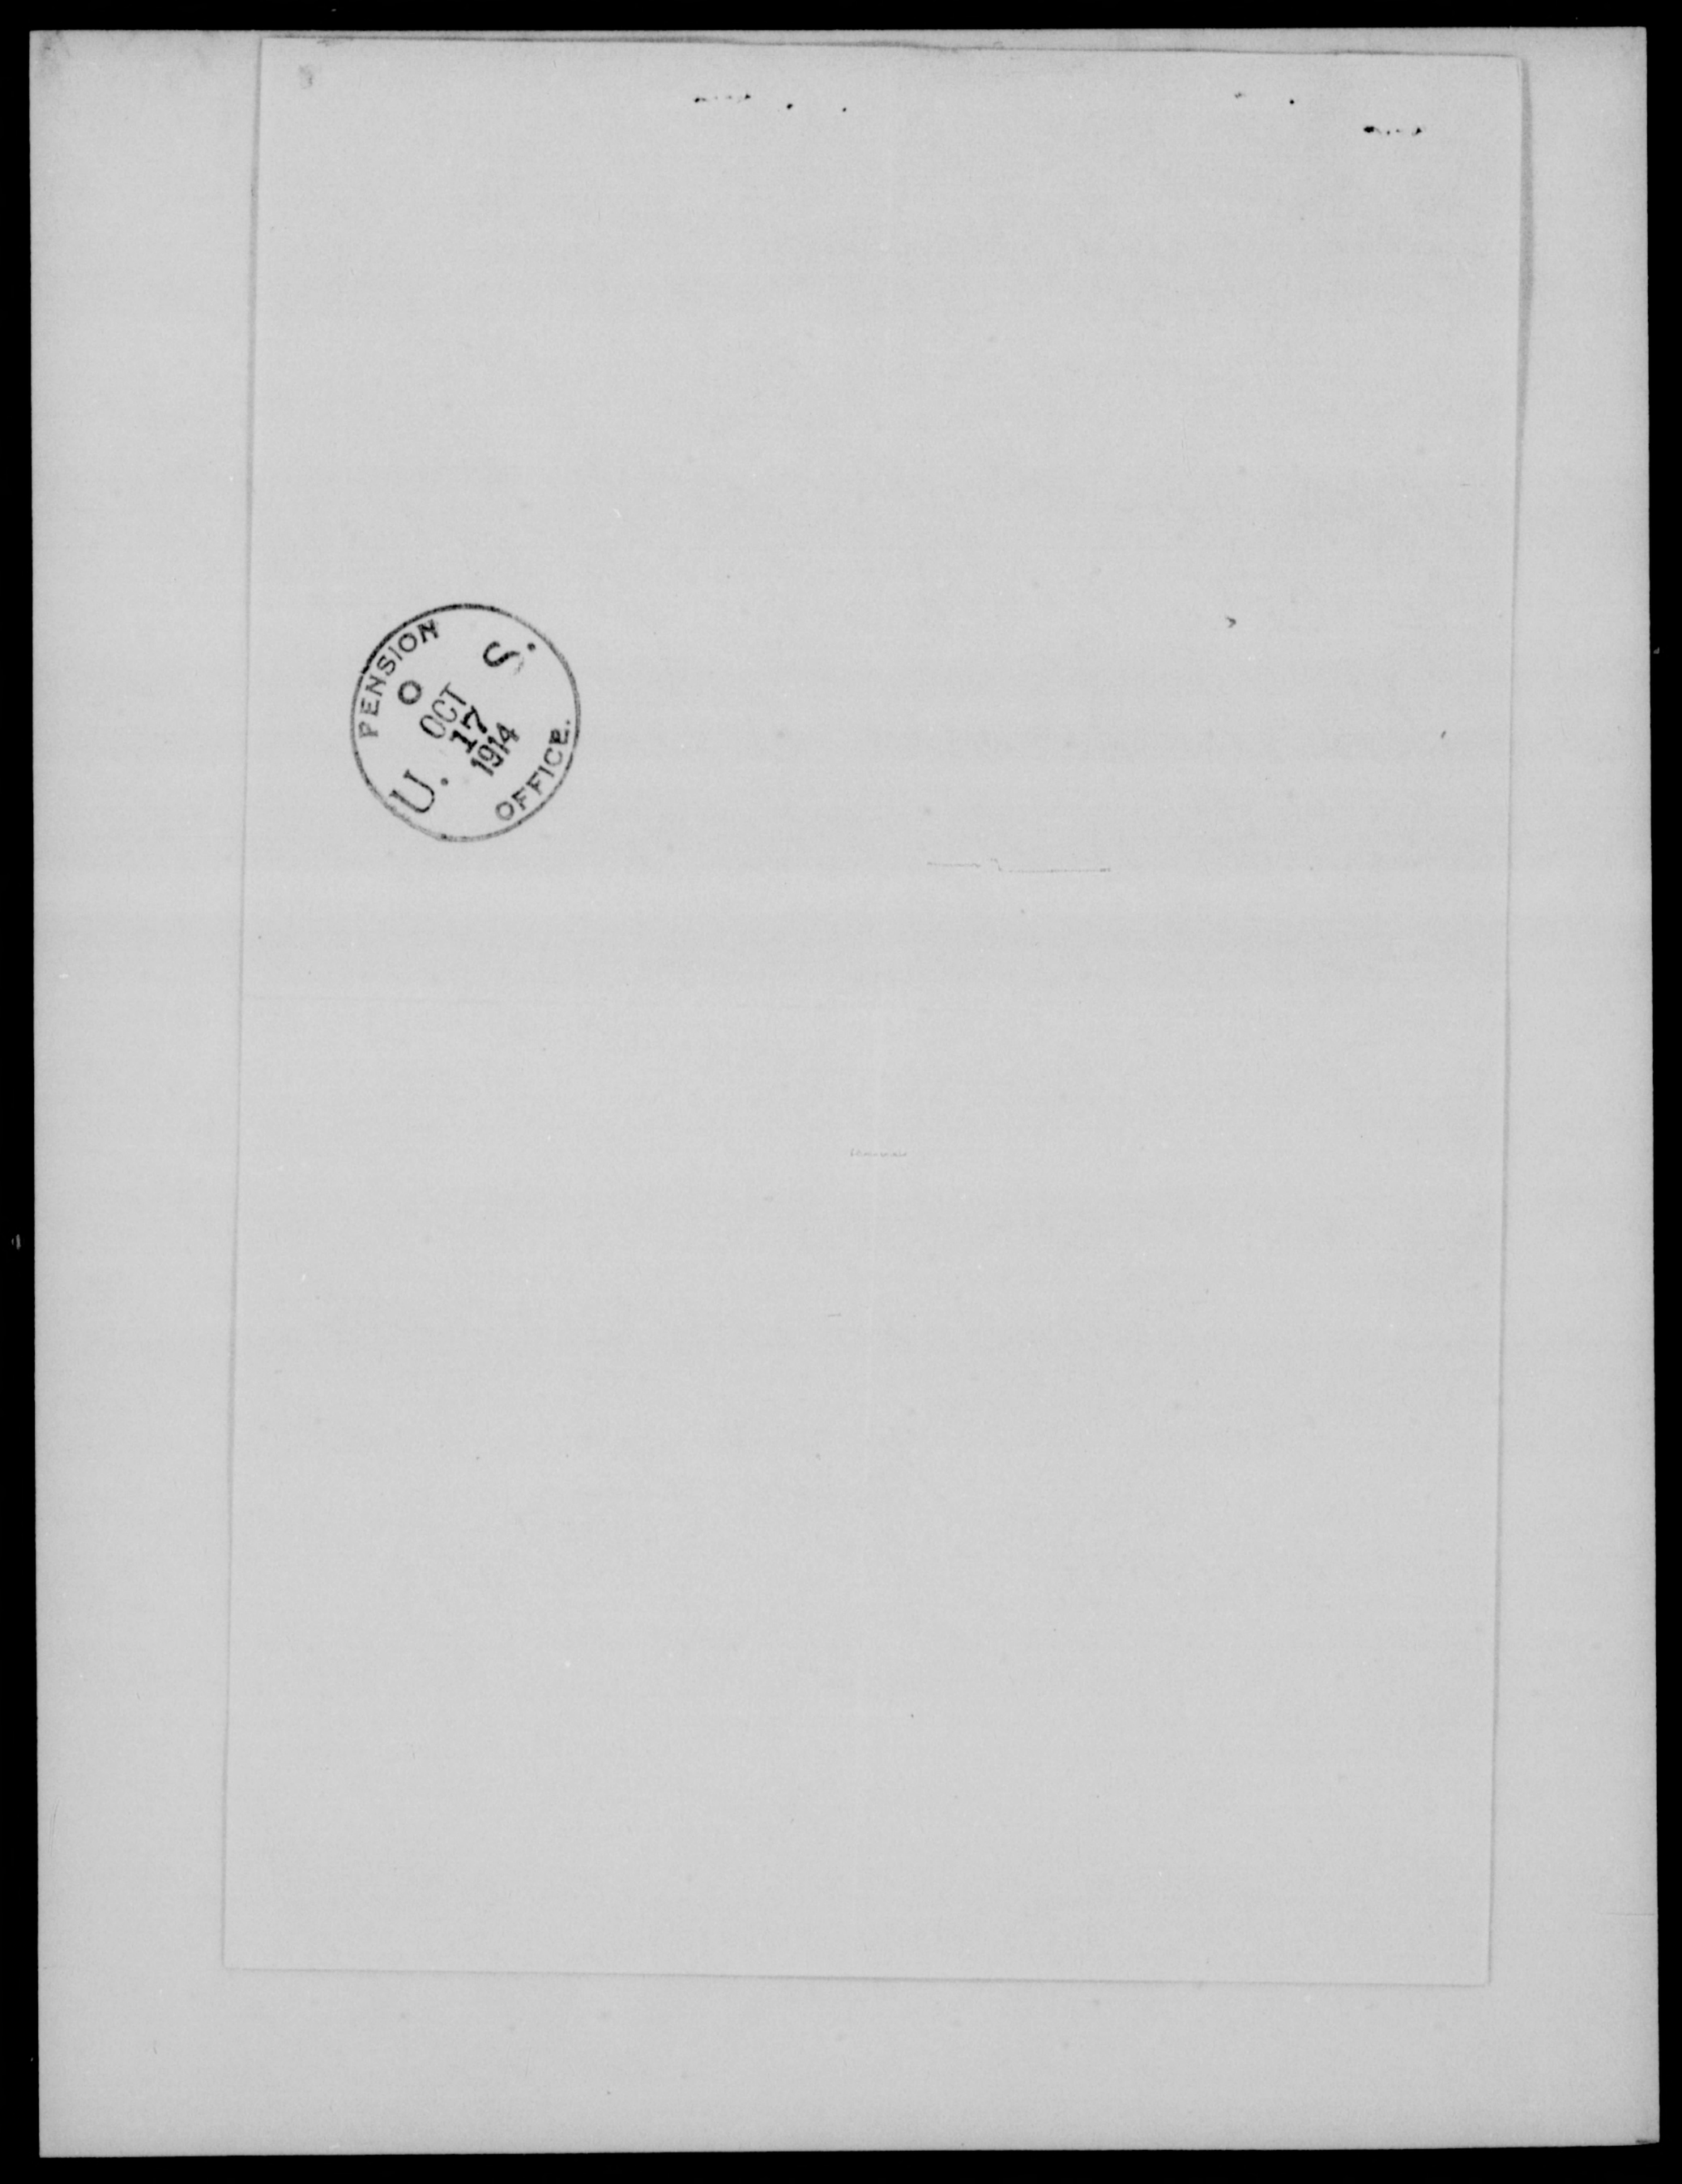(circular seal) Pension O Oct 17 1914 US Office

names: [BLANK]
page: 12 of 23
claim: survivor's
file: S. 6,125, for Thomas Smith, Virginia